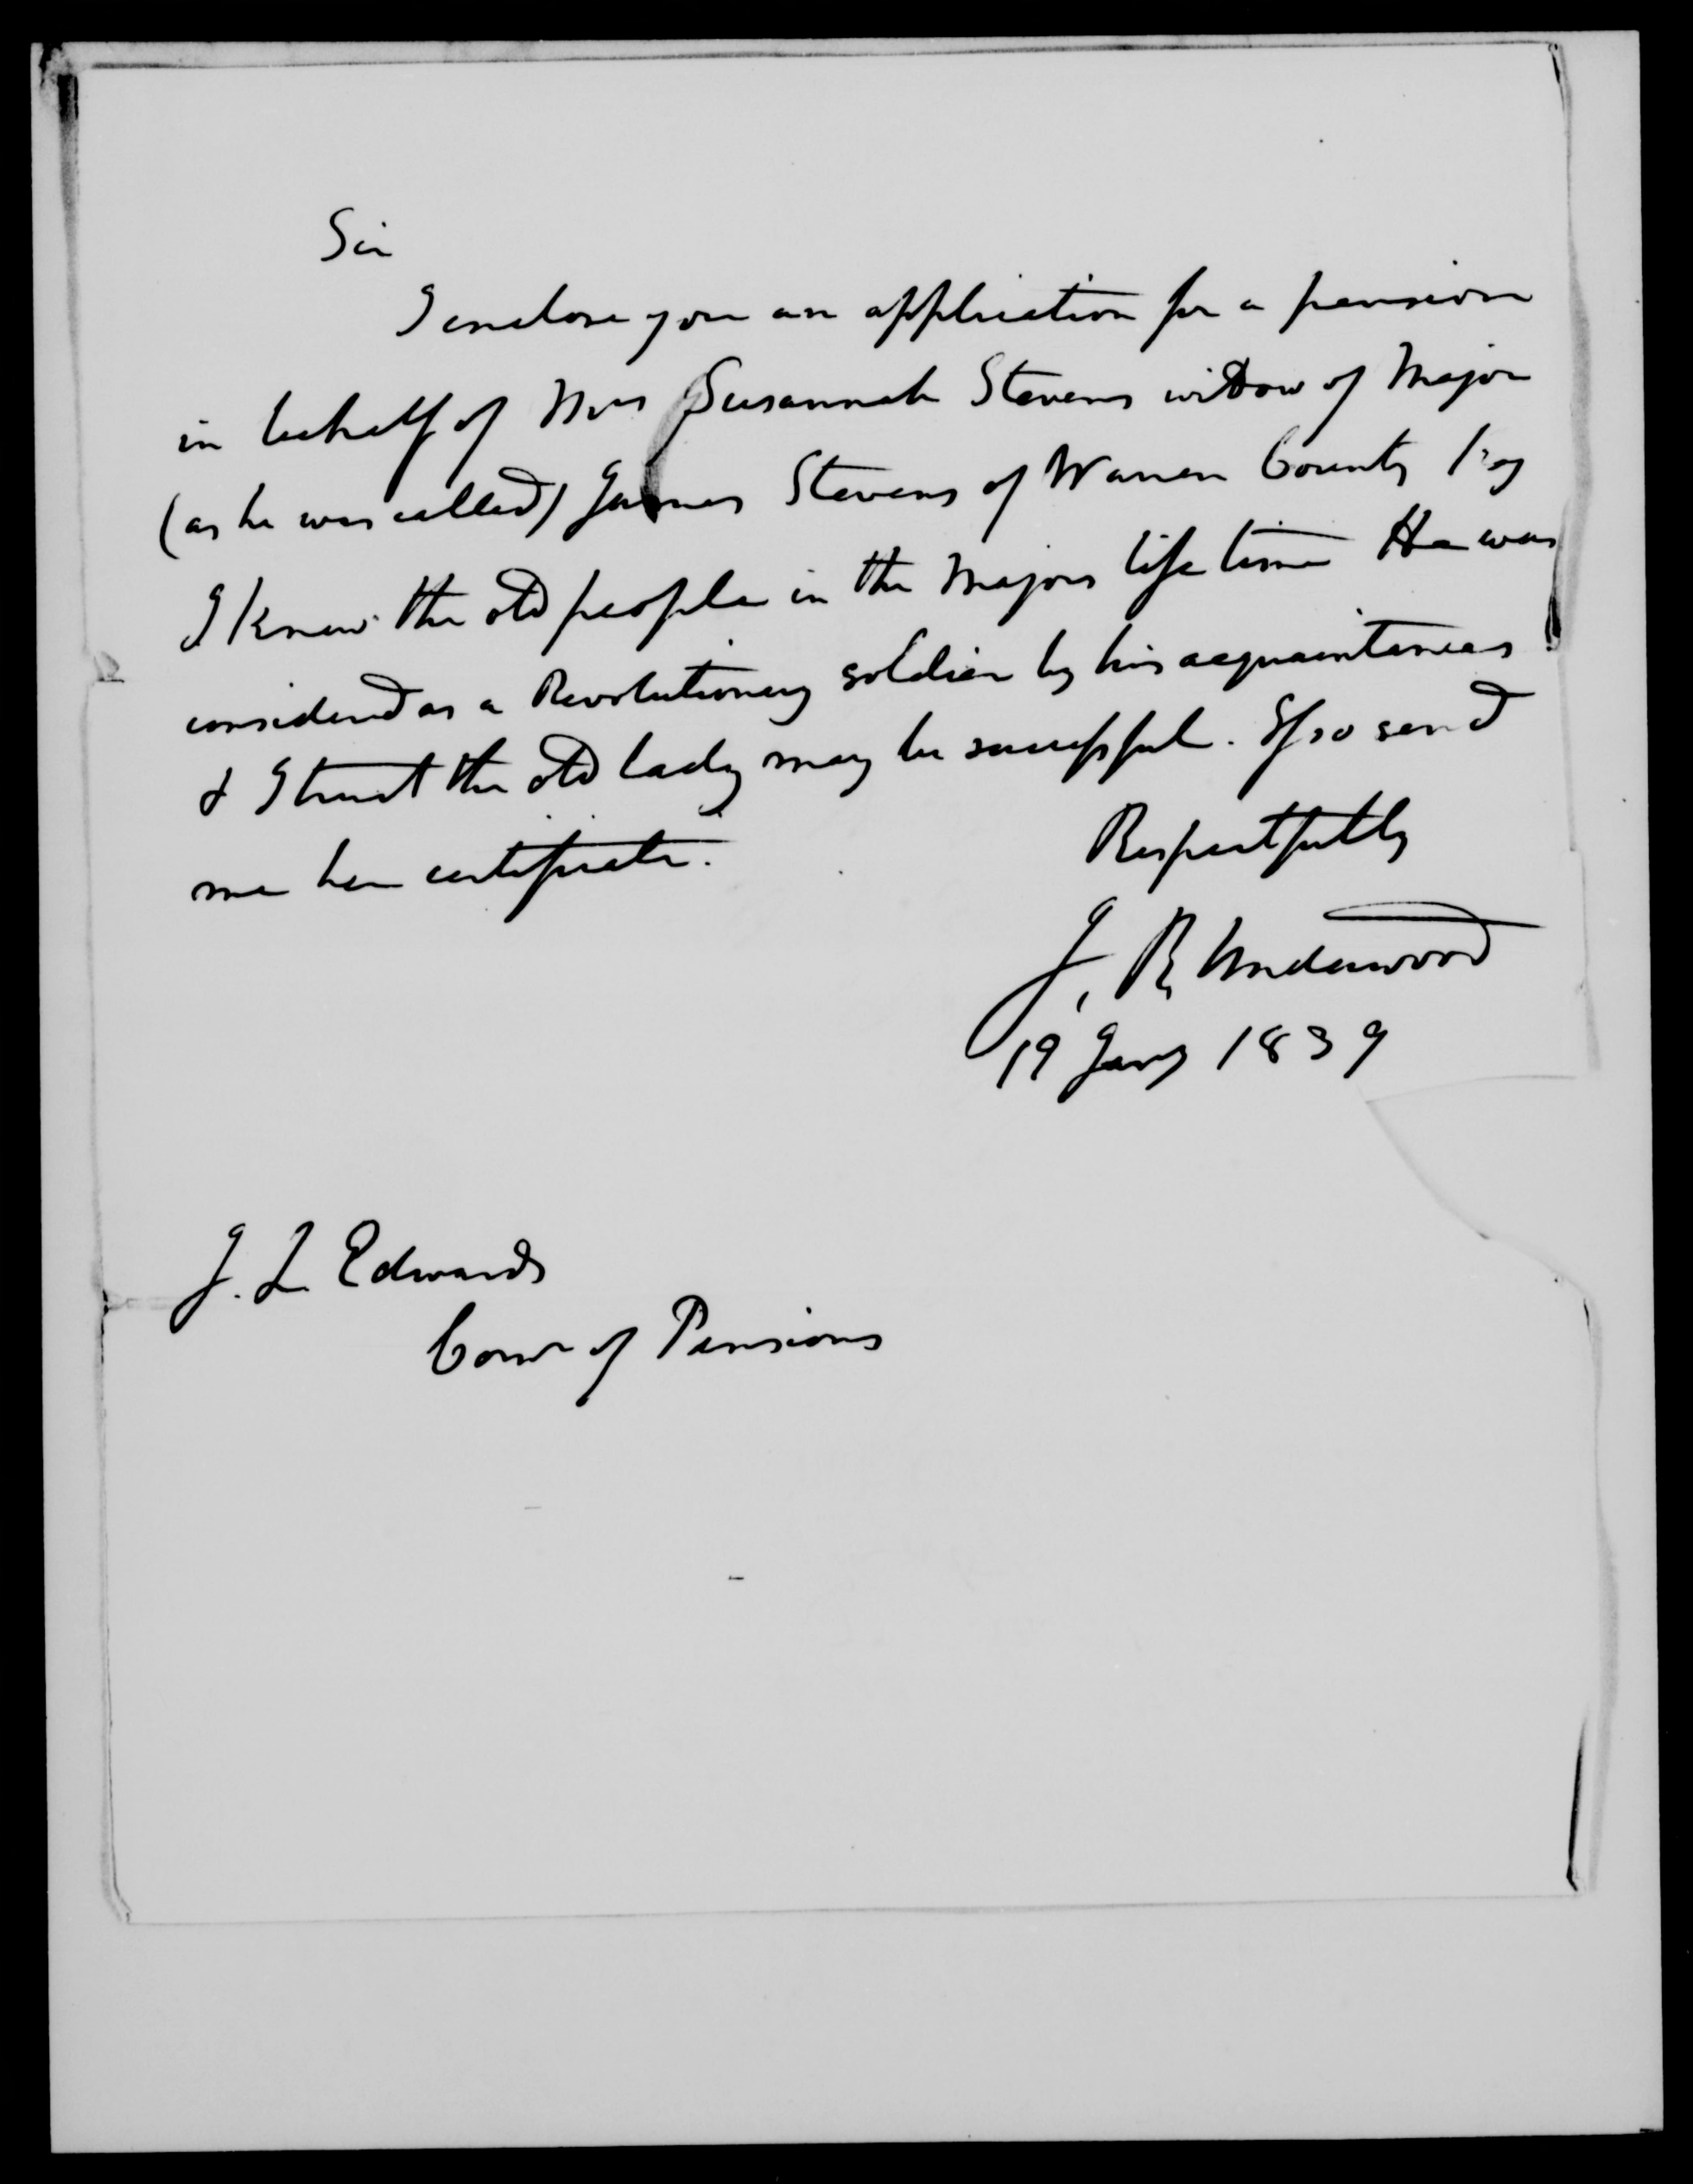Sir
I enclose you an application for a pension
in behalf of Mrs Susannah Stevens widow of Major (as he was called) James Stevens of Warren County. I know the old people in the Majors life time. He was considered as a Revolutionary soldier by his acquaintances and I trust the old lady may be successful. You send me her certificate.

Respectfully
J R Underwood
19 Jany 1839

J. L. Edwards
Comr of Pensions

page: 69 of 99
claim: widow's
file: W 8766, for James Stevens, Virginia